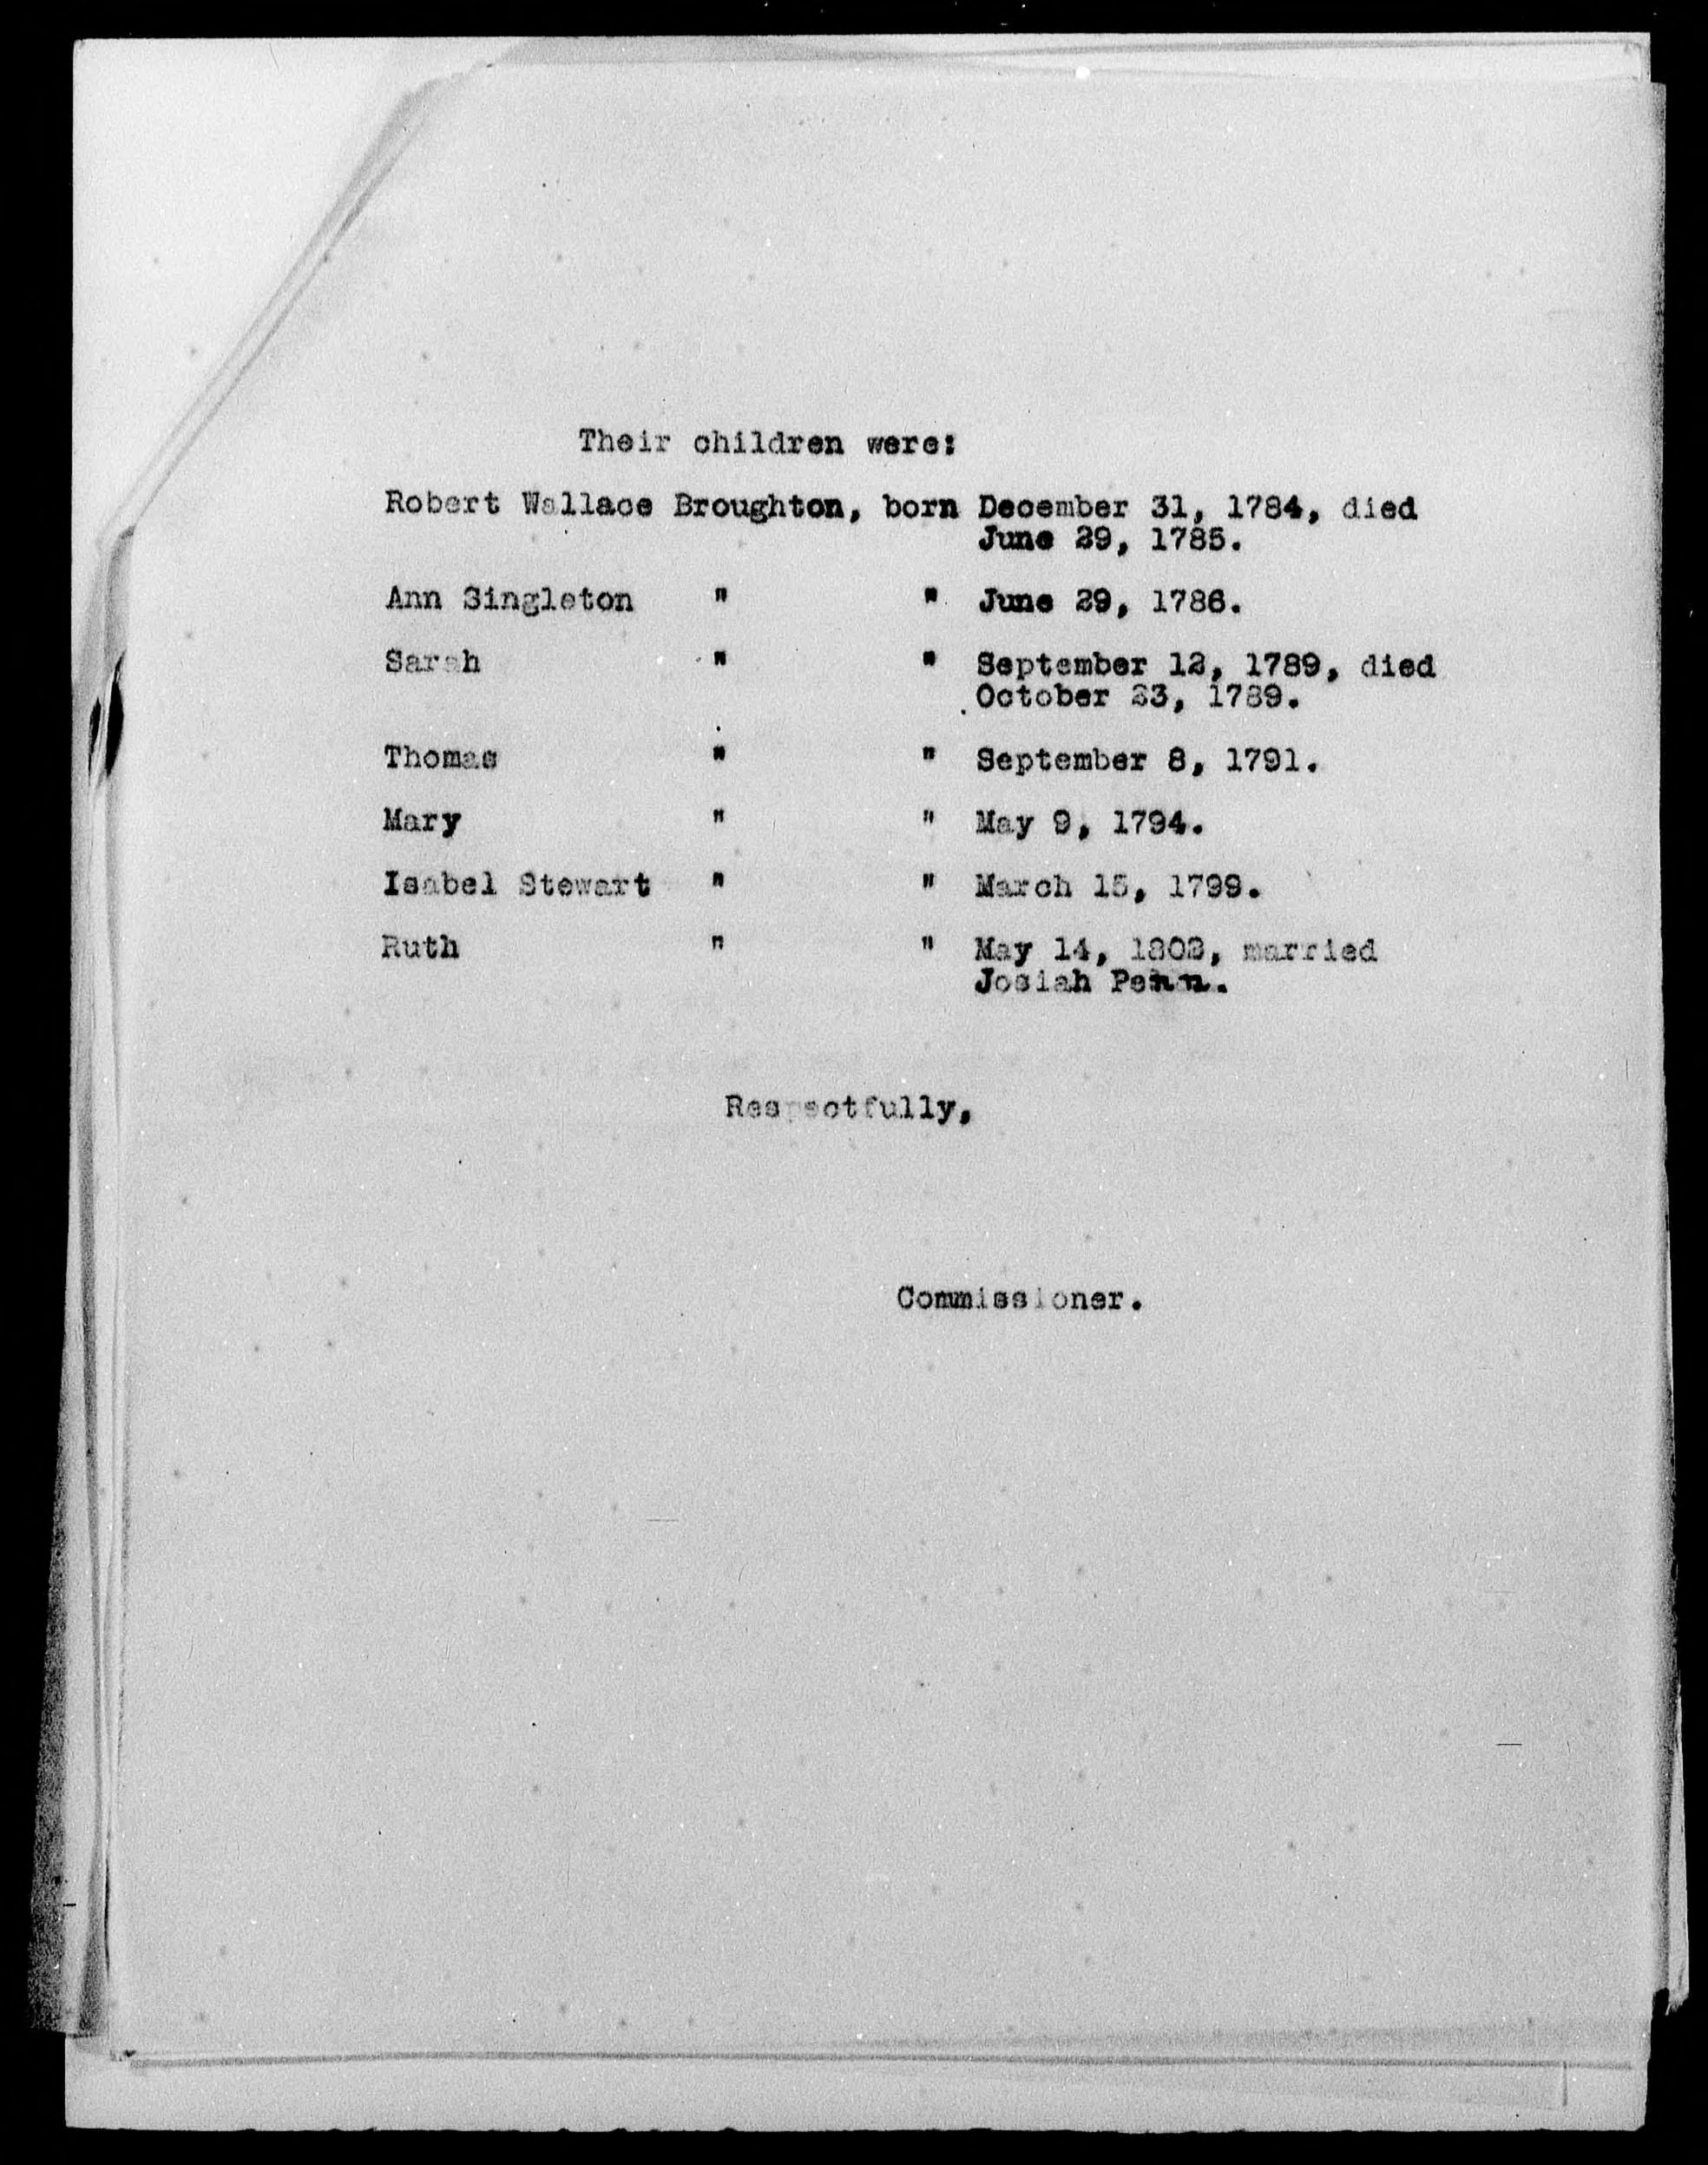Their children were:
Robert Wallace Broughton, born December 31, 1784, died June 29, 1785.

Ann Singleton [Broughton, born] June 29, 1786.
Sarah [Broughton, born] September 12, 1789, died October 23, 1789.
Thomas [Broughton, born] September 8, 1791.
Mary [Broughton, born] May 9, 1794.
Isabel Stewart [Broughton, born] March 15, 1799.
Ruth [Broughton, born] May 14, 1802, married Josiah Penn.

Respectfully,

Commissioner.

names: Isabel Stewart Broughton, Thomas Broughton, Mary Broughton, Robert Wallace Broughton, Sarah Broughton, Ruth Broughton, Ann Singleton Broughton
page: 65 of 72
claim: widow's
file: W. 897, Thomas Broughton, S.C.